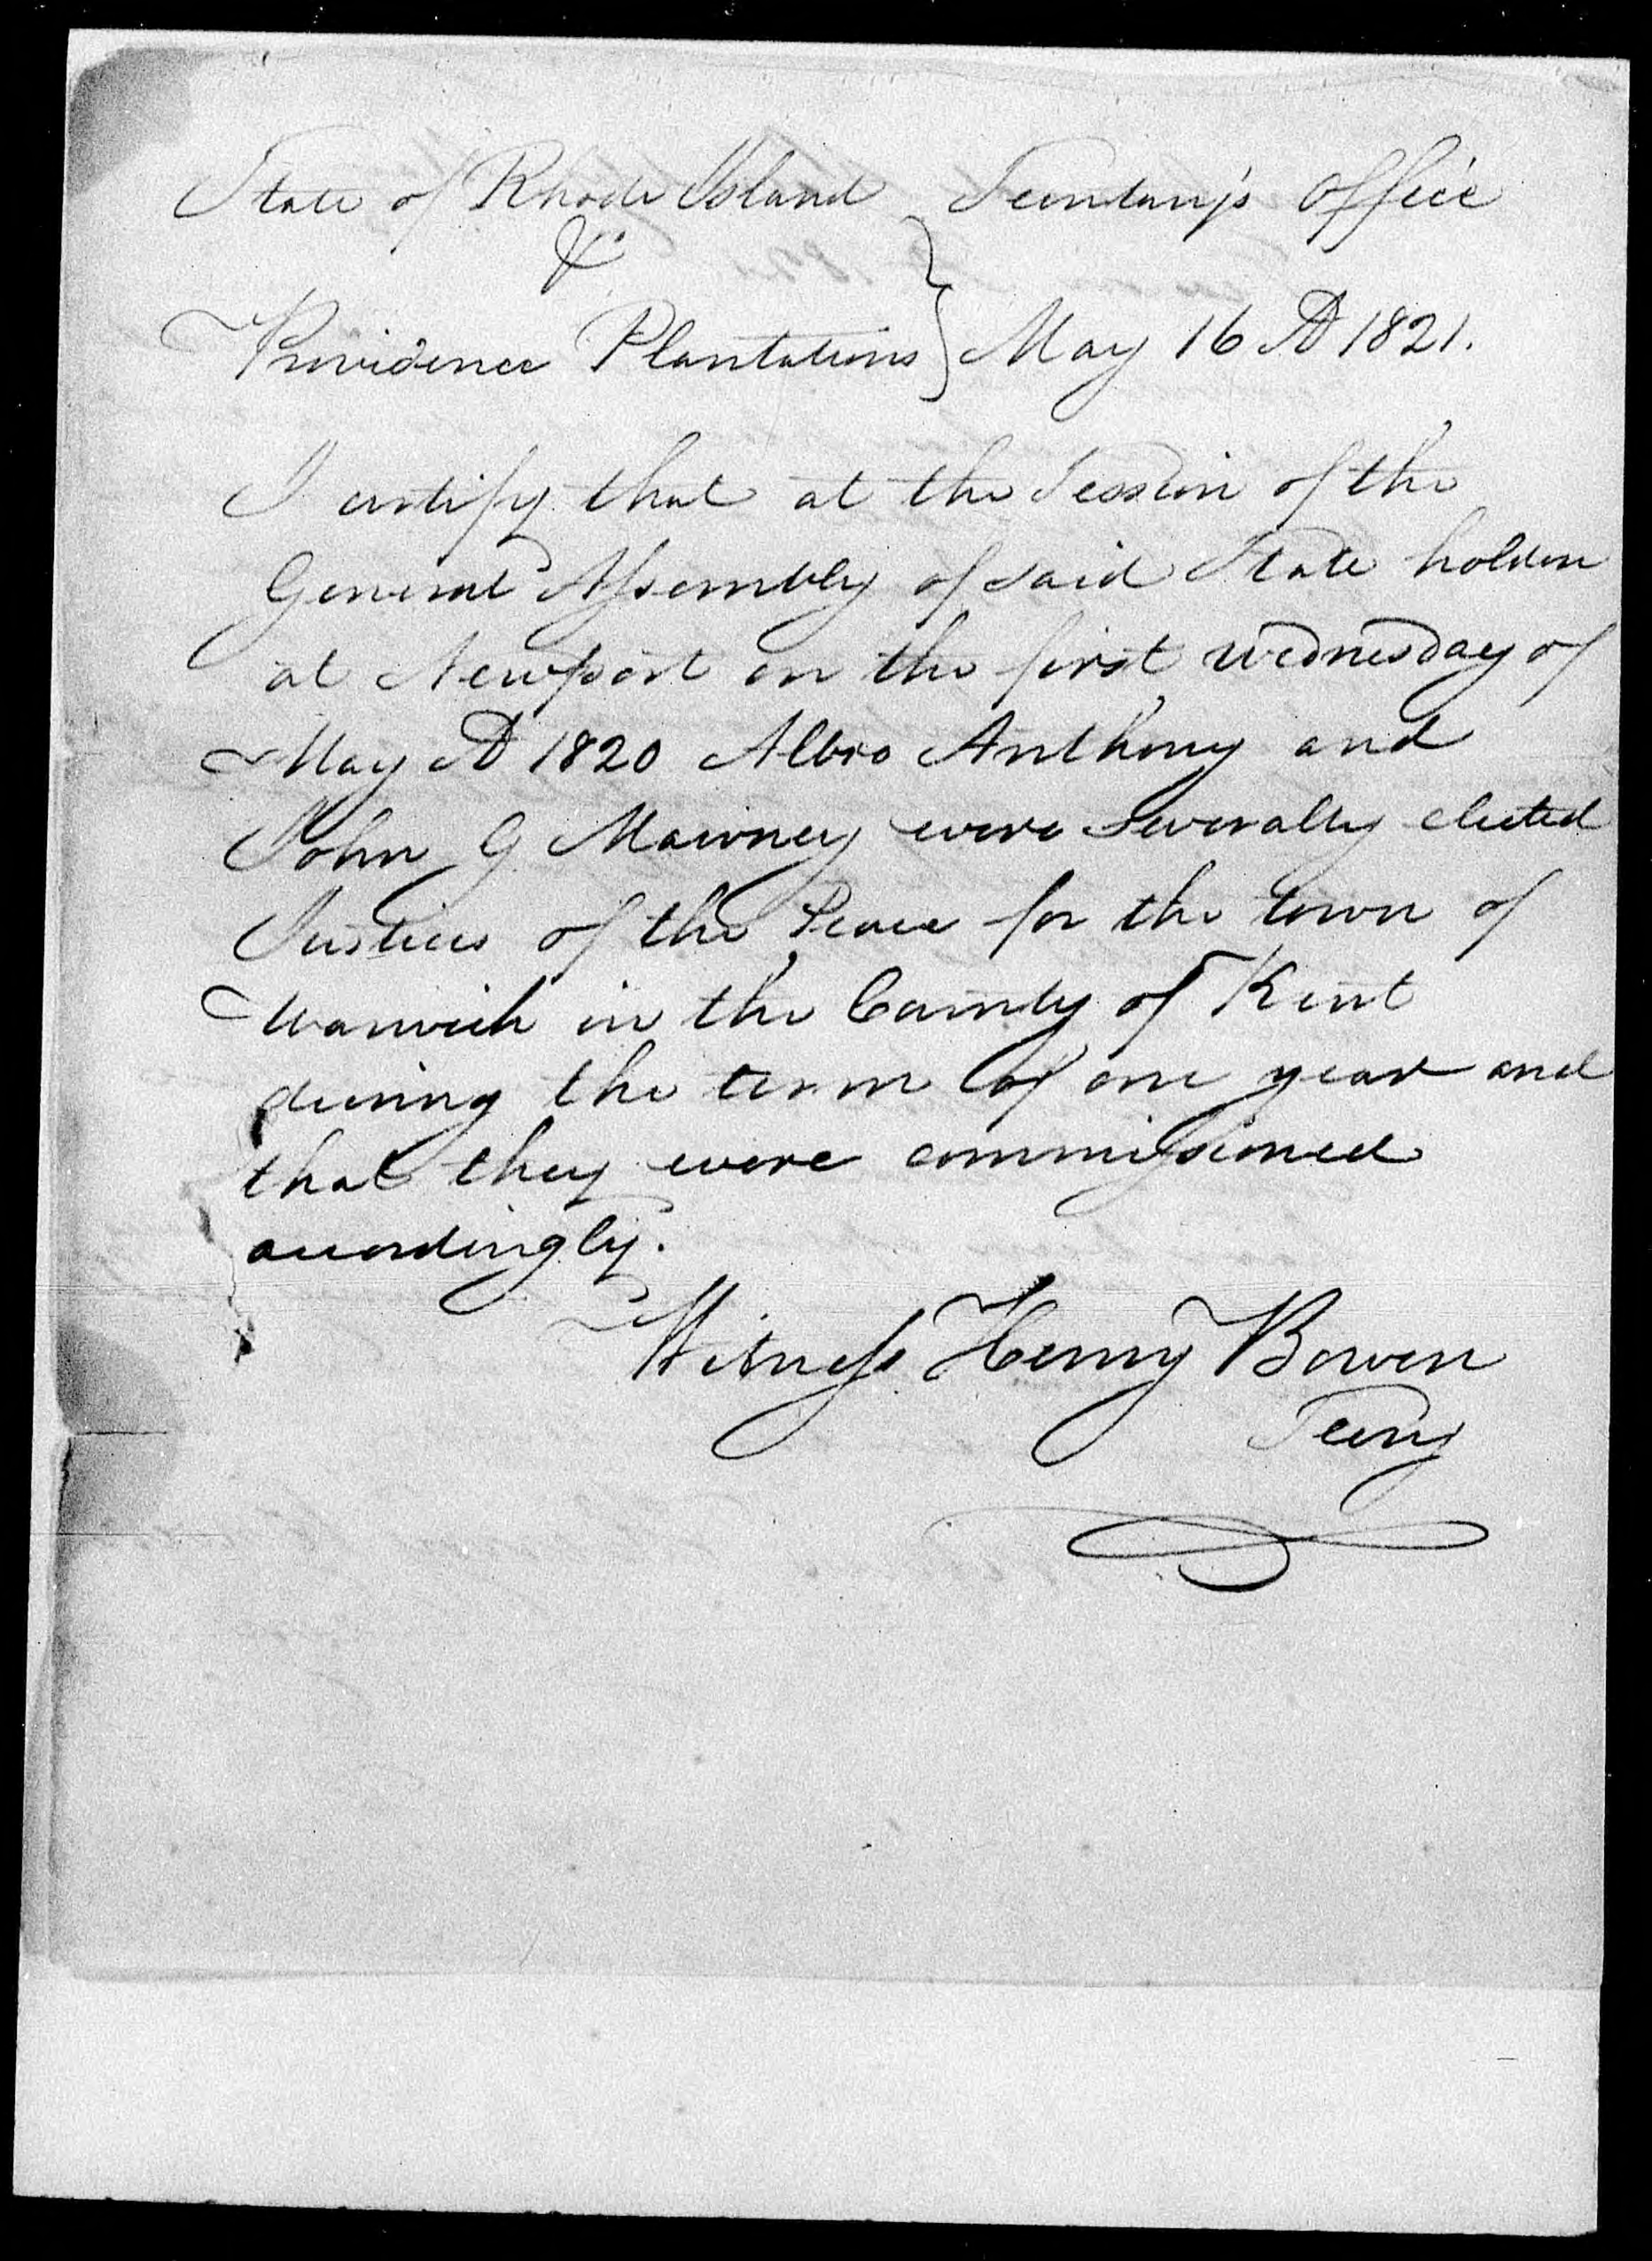State of Rhode Island
Providence Plantation}
Secretary's office
May 16 AD 1821
I certify that at the session of the General Assembly of said state [illegible] at Newport on the first Wednesday of May AD 1820 Albro Anthony and John G. Mawney were severally elected Justices of the Peace for the town of Warwick in the County of Kent during the term of one year and that they were commissioned accordingly.
Witness Henry Bowen Secy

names: Albro Anthony, John G Mawney, Henry Bowen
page: 13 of 20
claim: survivor's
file: S. 38755, Charles Greene, R.I.